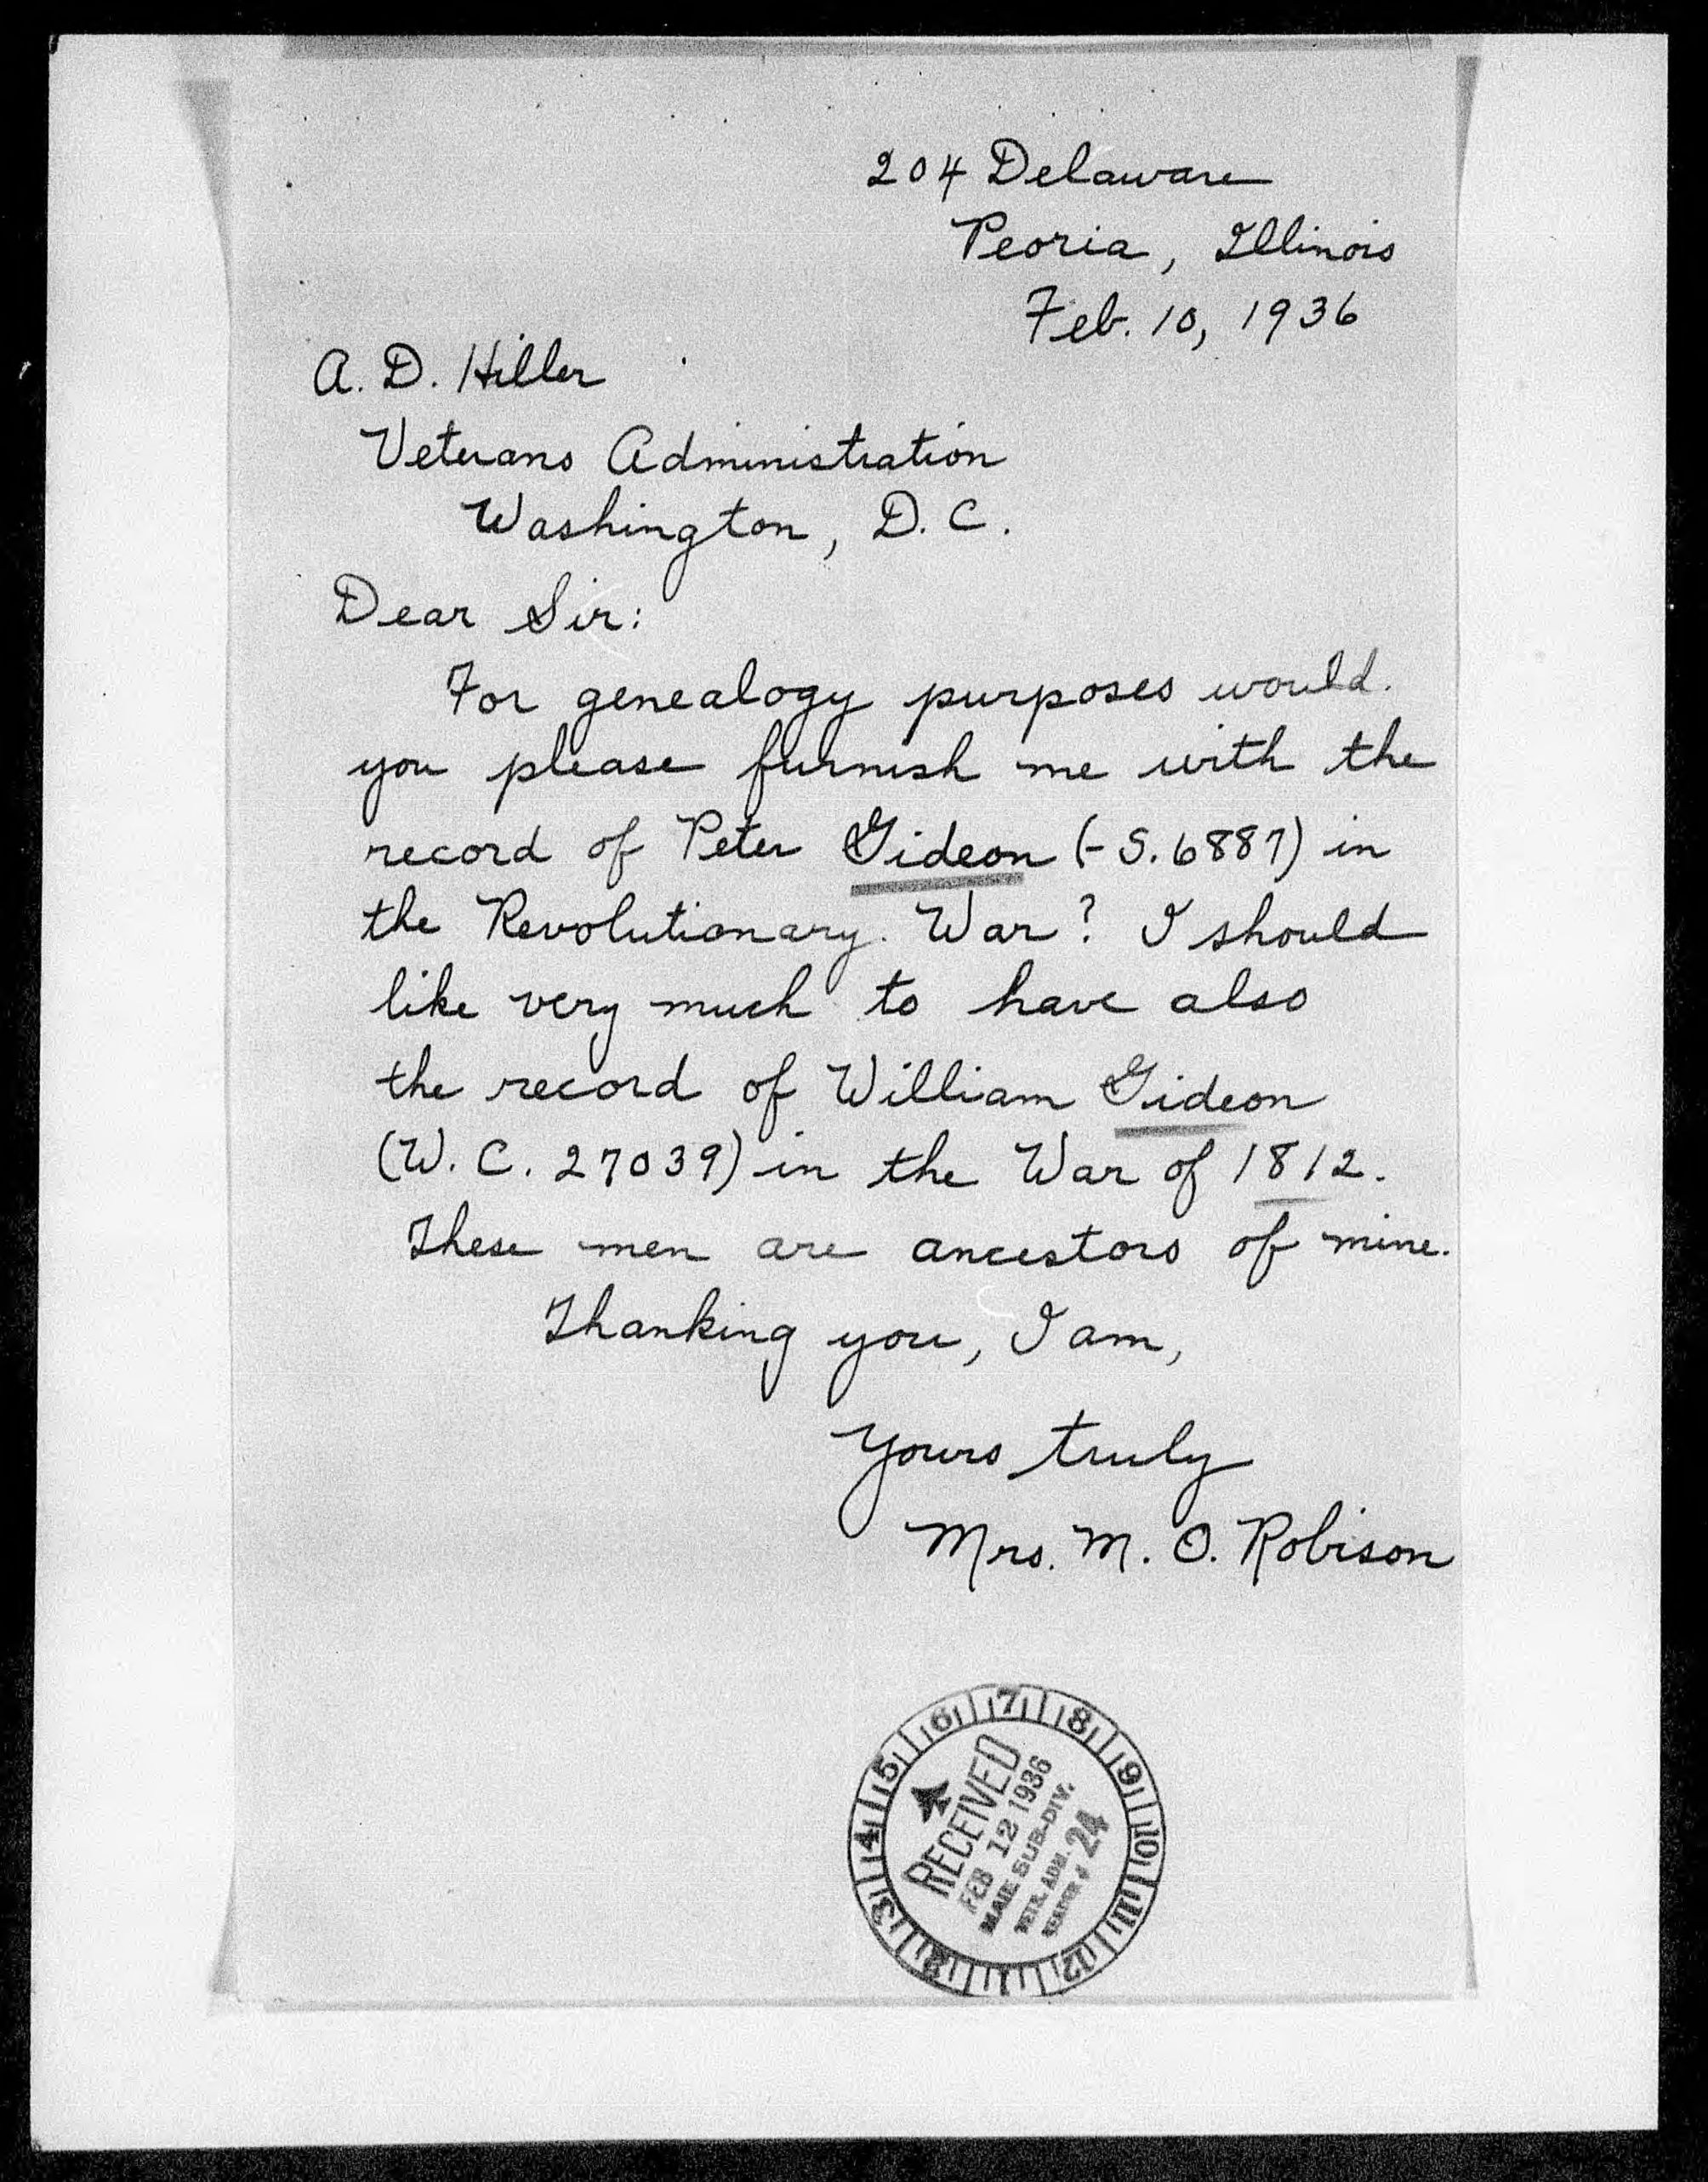204 Delaware
Peoria, Illinois
Feb. 10, 1936

A.D. Hiller
Veterans Administration
Washington, D.C.

Dear Sir:
For genealogy purposes would
you please furnish me with the
record of Peter Gideon (S. 6887) in
the Revolutionary War? I should
like very much to have also
the record of William Gideon
(W.C. 27039) in the War of 1812.
-
These men are ancestors of mine.
Thanking you, I am
Yours truly
Mrs. M. O. Robison

[stamped received Feb 12, 1936]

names: A D Hiller, William Gideon, Peter Gideon, M O Robison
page: 43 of 64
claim: survivor's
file: S. 6887, Peter Gideon, Md.